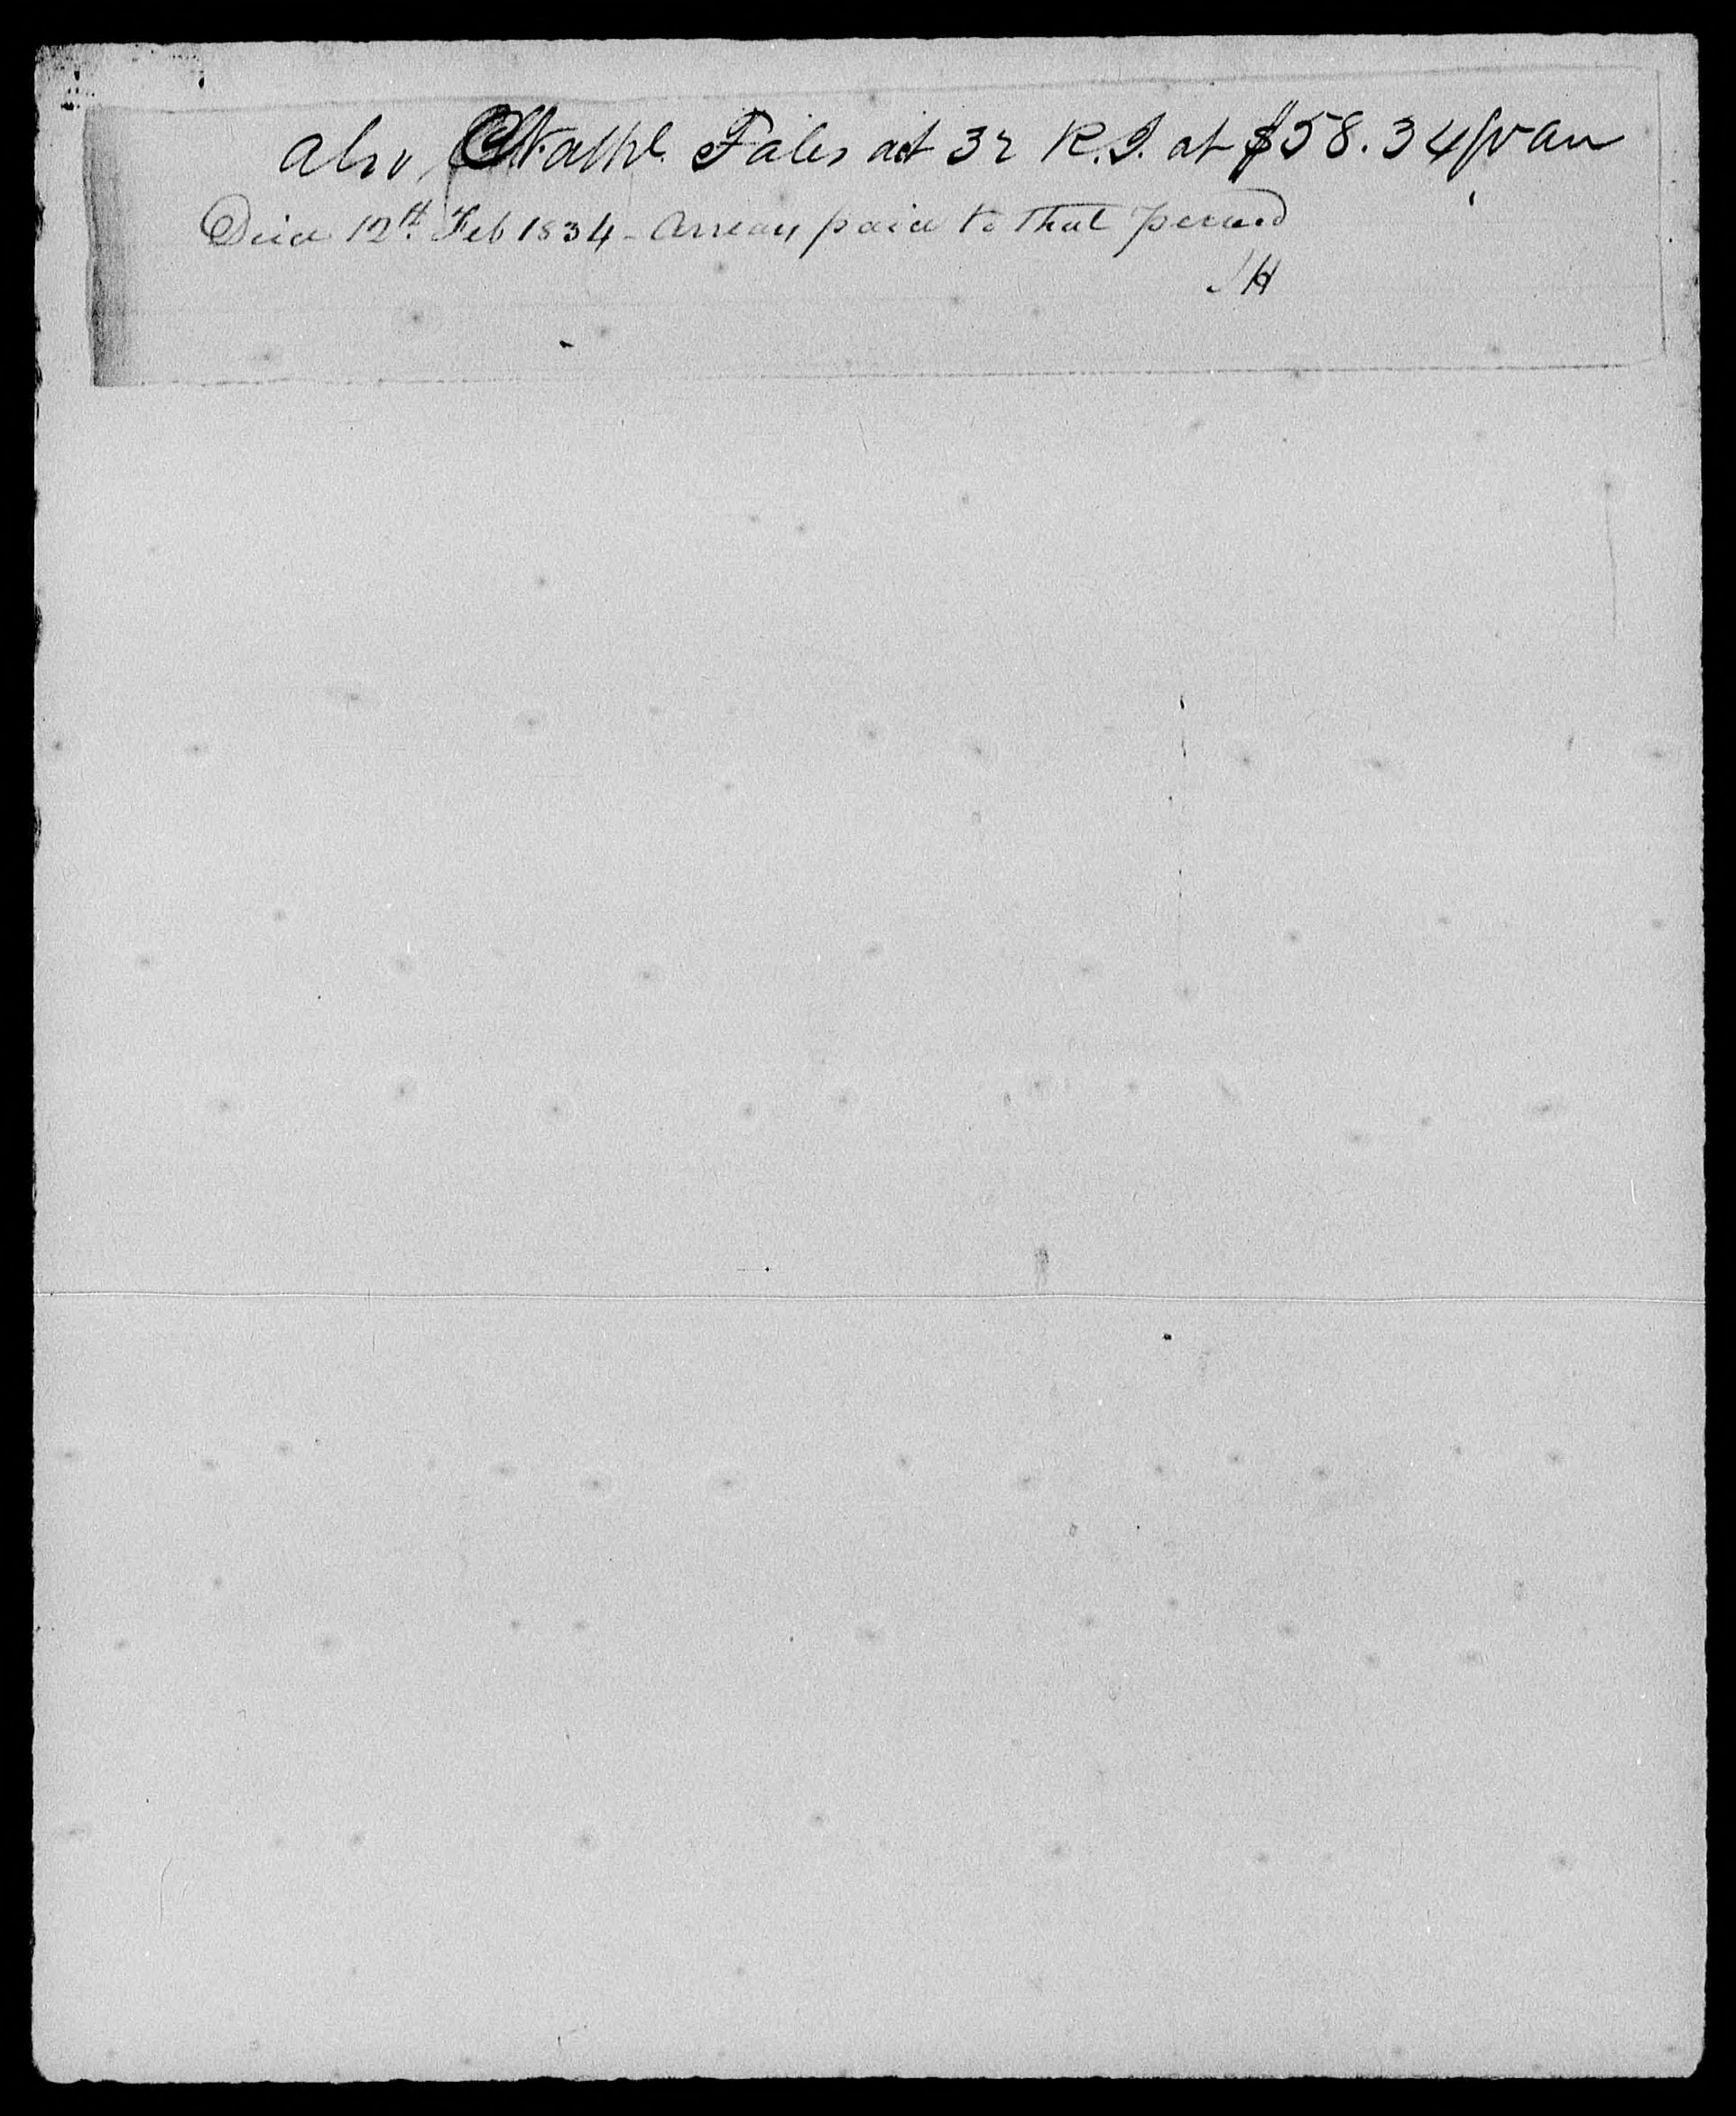Also, Nath.l Fales act 32 R.I. at $58.34 War
Dec 12th Feb 1834. Arreas paid to that perceed. 
J.H.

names: Nathl Fales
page: 26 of 32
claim: widow's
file: W. 24,173, Nathaniel Fales, R.I.